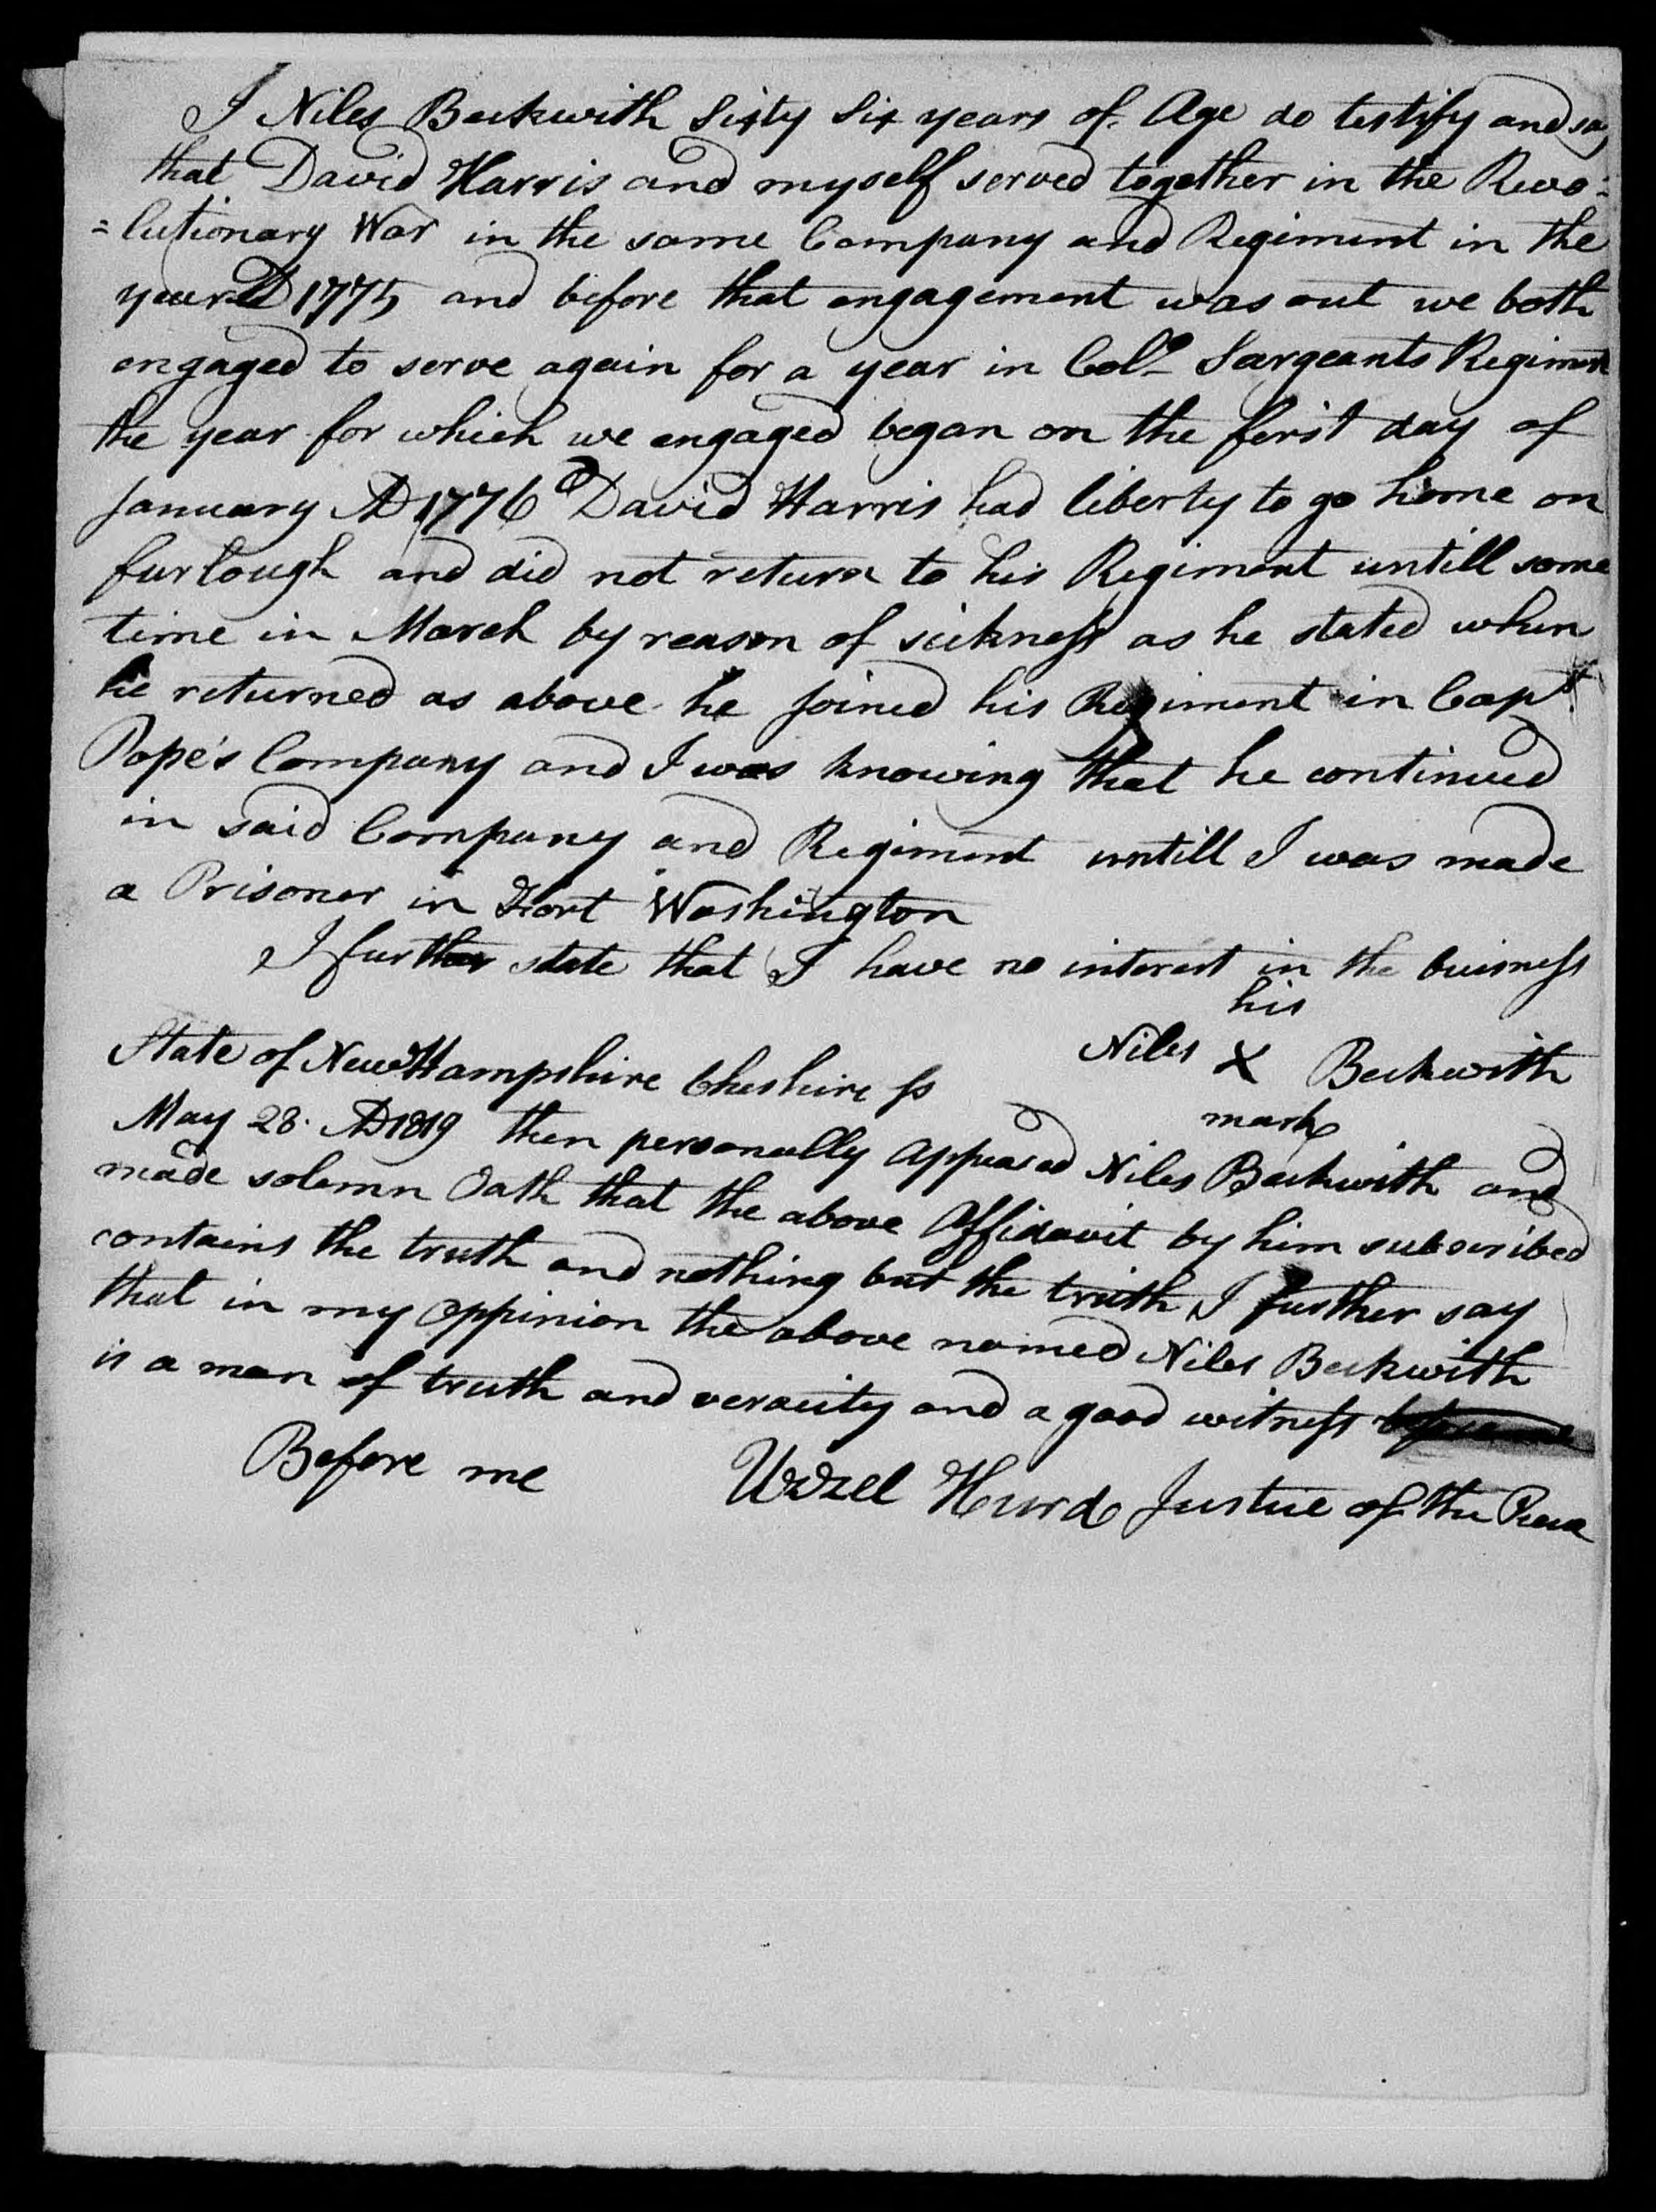I Niles Beckwith sixty six years of age to testify and say that David Harris and myself served together in the Revolutionary War in the same Company and Regiment in the year A.D. 1775 and before that engagement was out we both engaged to serve again for a year in Col Sargeants Regiment the year for which we engaged began on the first day of January A.D. 1776. David Harris had liberty to go home on furlough and did not return to his Regiment until some time in March by reason of sickness as he stated when he returned as above he joined his Regiment in Capt. Pope's Company and I was knowing that he continued in said Company and Regiment until I was made a prisoner in Fort Washington.
I further state that I have no interest in the  business.
his X mark
Niles Beckwith
State of New Hampshire Cheshire Co
May 28, A.D. 1819 then personally appeared Niles Beckwith and made solemn oath that the above affidavit by him subscribed contains the truth and nothing but the truth. I further say that in my oppinion [opinion] the above named Niles Beckwith is a man of truth and veracity and a good witness Before me
Uzzel Hurd Justice of the Peace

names: Niles Beckwith, Niles Beckwith, Niles Beckwith, Uzzel Hurd, Niles Beckwith, David Harris, David Harris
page: 11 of 11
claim: survivor's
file: S. 44393, David Harris, Mass.